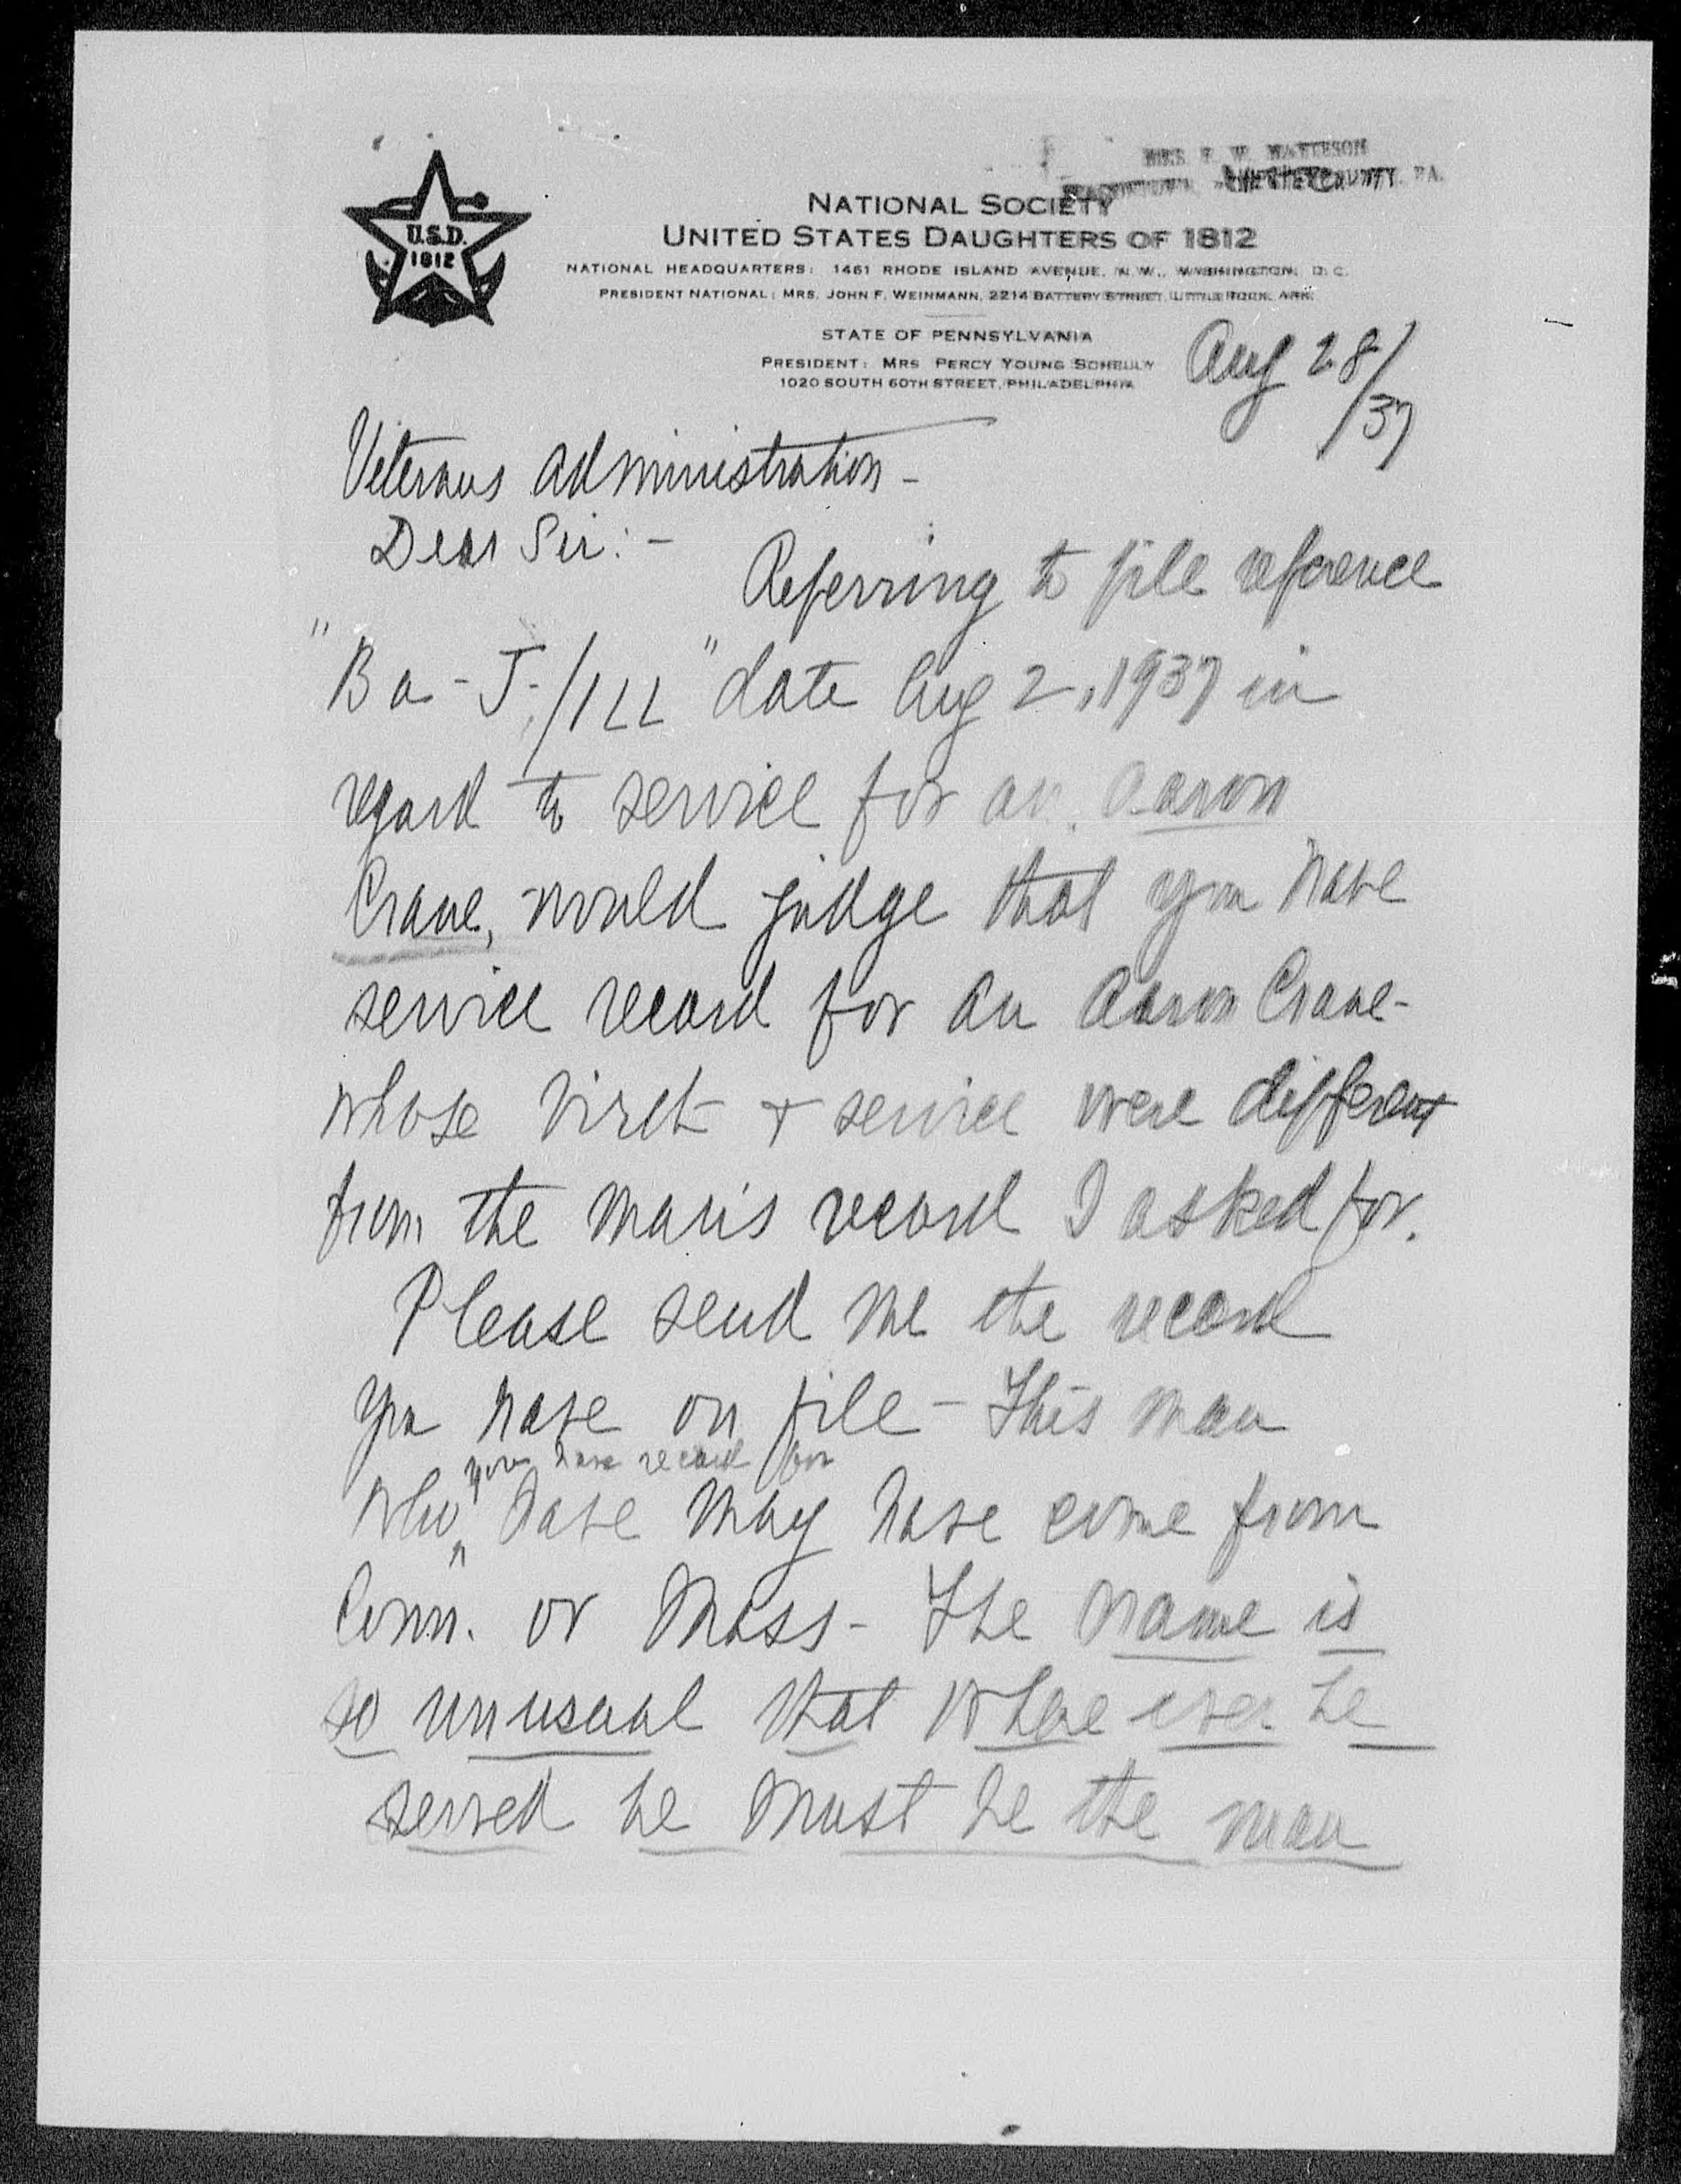.  U. S. D                                                                NATIONAL SOCIETY
    1812                                                UNITED STATES DAUGHTERS OF 1812

                 NATIONAL HEADQUARTERS 1451 RHODE ISLAND AVENUE, N. W.  WASHINGTON, D. C.

            PRESIDENT NATIONAL:  MRS.  JOHN F WENMANN 2214 BATTERY STREET  LITTLE ROCK, ARK

                                                                          STATE OF PENNSYLVANIA

                                                          PRESIDENT:   MRS PERCY YOUN SCHELLY

                                                          1020 SOUTH 60TH STREET PHILADELPHIA


                                                                                                                                                                   Aug 28/37


Veterans Administration



Dear Sir: ----

Referring to file reference

"BA - J/ILL" date Aug 2, 1937 in

? to service for an Aaron

Crane, would judge that you have

service record for an Aaron Crane

whose ? & service were different

from the man's record asked for.


Please send me the record

you have on file --- This man

who you have record for ? ? may have come from

Conn. or Mass.  The name is 

so unusual that wherever he 

served he must be the man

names: Aaron Crane, Aaron Crane, John F Weinmann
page: 28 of 32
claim: rejected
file: R. 2441, Aaron Crane, New Jersey